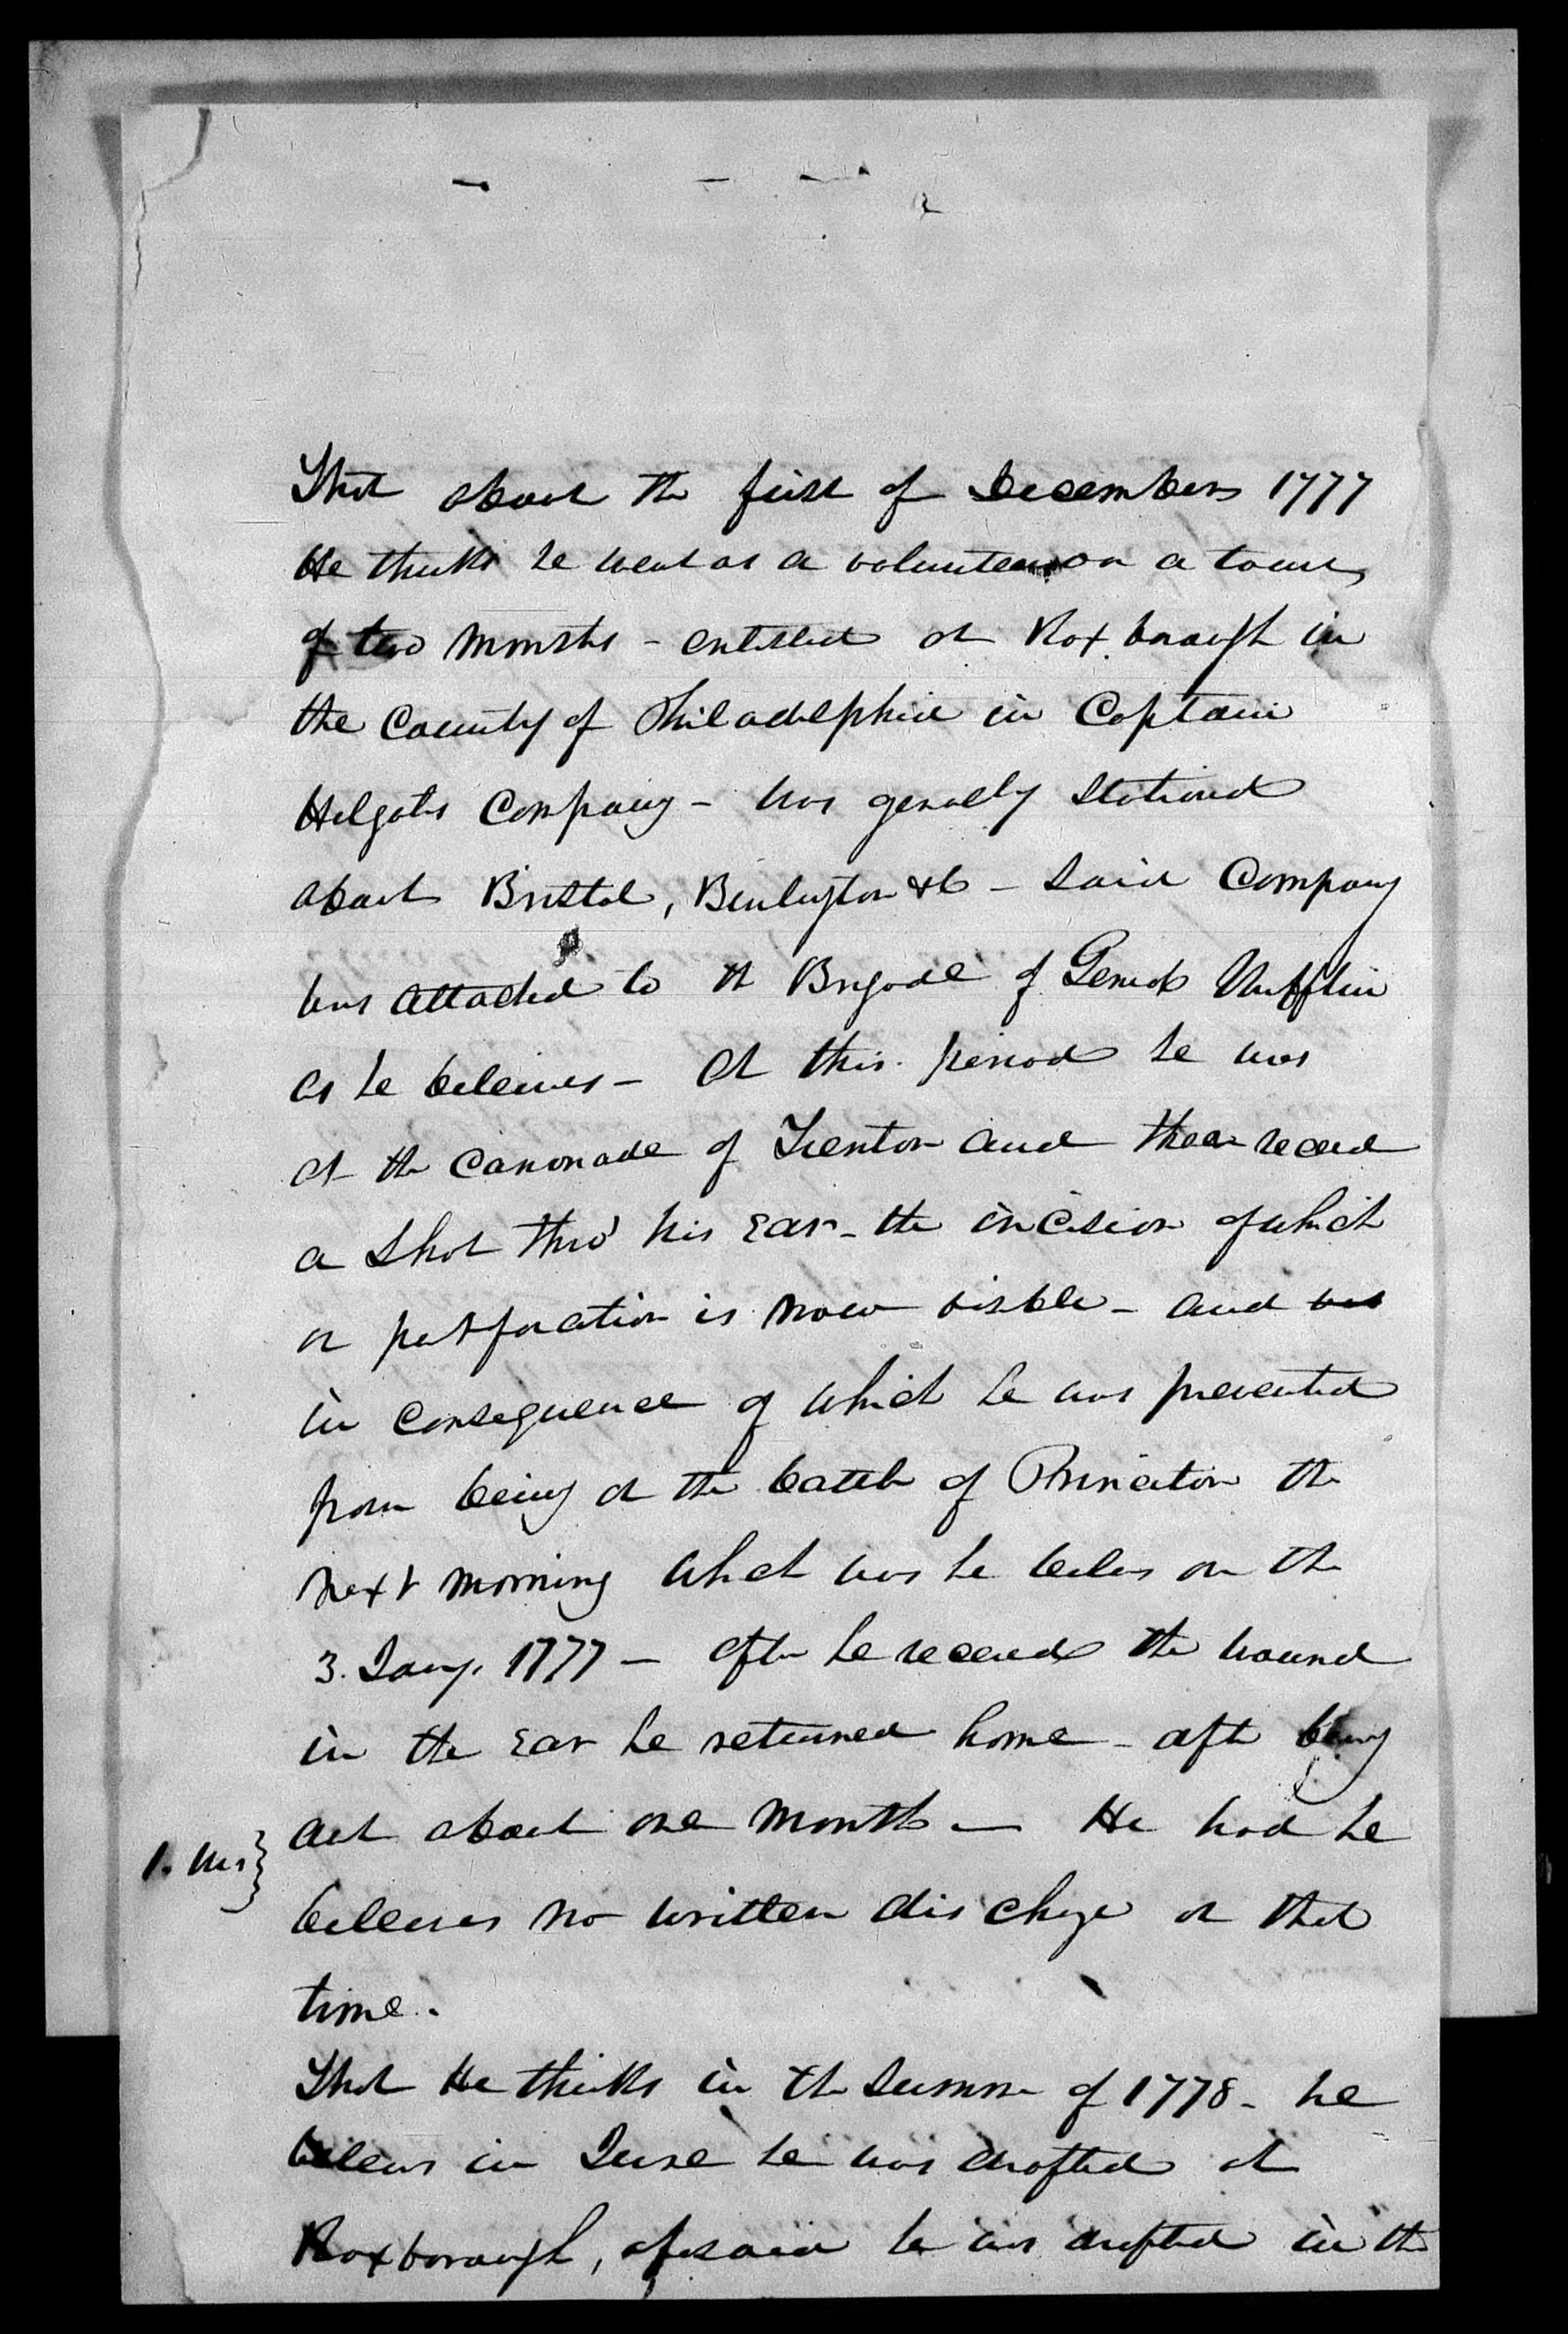That about the first of December 1777 He thinks he went as a volunteer or a tour of two months - enlisted at Roxborough in the County of Philadelphia in Captain Helgates company - was really stationed about Bristol, Binleyton &c. - said Company was attached to the Brigade of Gen’l Mifflin he believes - this period he was at the cannonade of Trenton and there received a shot thro his ear - incision of which or perforation is now visible - and be in consequence of which he was prevented from being of the battle of Princeton the next morning which was he believes on the 3 Jany 1777 - After he received the wound in the ear he returned home after being out about one month - He had he believes no written discharge of that time.  
That he thinks in the Summer of 1778 he believes in June he was drafted it Roxborough, of said he was drafted in the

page: 5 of 31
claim: survivor's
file: S. 6154, for Joseph Sturgis, Pennsylvania